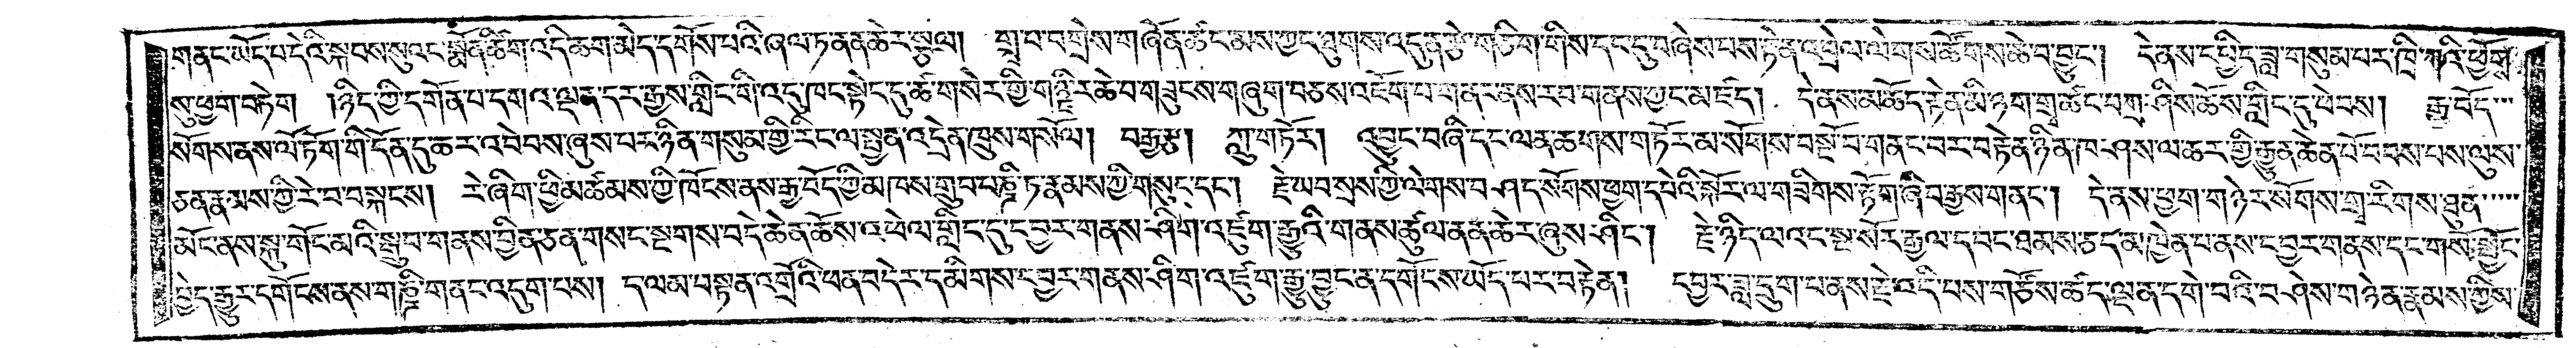གནང་ཡོད་བ་དེའི་སྐབས་སུའང་སྨོན་ཚིག་འདི་ཆག་མེད་དགོས་པའི་ཞལ་ཏ་ནན་ཆེར་སྩལ། གྲྭ་པ་བགྲེས་གཞོན་ཚང་མས་ཀྱང་ཐུགས་འདུན་རྩེ་གཅིག་གིས་དང་དུ་བཞེས་པས་རྟེན་འབྲེལ་ལེགས་ཚོགས་ཆེ་བ་བྱུང་། དེ་ནས་དཔྱིད་ཟླ་གསུམ་པར་ཁྲི་ཀའི་ཕྱོགས་
སུ་ཕྱག་བཏེག །ཉིད་ཀྱི་དགོན་པ་དགའ་ལྡན་དར་རྒྱས་གླིང་གི་འདུ་ཁང་སྟེང་དུ་ཚ་གསེར་གྱི་གཉིཇ་ར་ཆེ་བ་གཟུངས་གཞུག་བཅས་འཇོག་པ་གནང་ནས་རབ་གནས་ཀྱང་མཛད། དེ་ནས་མཆོད་རྟེན་མི་ཉག་གྲྭ་ཚང་བཀྲ་ཤིས་ཆོས་གླིང་དུ་ཕེབས། རྒྱ་བོད་
སོགས་ནས་ལོ་ཏོག་གི་དོན་དུ་ཆར་འབེབས་ཞུས་བར་ཉིན་གསུམ་གྱི་རིང་ལ་སྤྱན་འདྲེན་ཁྲུས་གསོལ། བརྒྱ་རྩ། ཀླུ་གཏོར། འབྱུང་བཞི་དང་ལན་ཆགས་གཏོར་མ་སོགས་བསྔོ་བ་གནང་བར་བརྟེན་ཉིན་ཁ་ཤས་ལ་ཆར་གྱི་རྒྱུན་ཆེན་བོ་བབས་པས་ལུས་
ཅན་རྣམས་ཀྱི་རེ་བ་བསྐངས། རེ་ཞིག་ཕྱི་མཚམས་ཀྱི་ཁོངས་ནས་རྒྱ་བོད་ཀྱི་མཁས་གྲུབ་པཎྜི་ཏ་རྣམས་ཀྱི་གསུང་དང་། རྗེ་ཡབ་སྲས་ཀྱི་ལེགས་བཤད་སོགས་ཕྱག་དཔེའི་སྐོར་ལ་གཟིགས་རྟོག་ཞིབ་རྒྱས་གནང་། དེ་ནས་ཕྱག་གཉེར་སོགས་གྲྭ་རིགས་ཐུན་
མོང་ནས་སྐུ་གོང་མའི་སྒྲུབ་གནས་བྱིན་ཅན་གསང་སྔགས་བདེ་ཆེན་ཆོས་འཕེལ་གླིང་དུ་དབྱར་གནས་ཤིག་འཛུག་རྒྱུའི་གནས་ཚུལ་ནན་ཆེར་ཞུས་ཤིང་། རྗེ་ཉིད་ལའང་སྔ་སོར་རྒྱལ་དབང་ཐམས་ཅད་མཁྱེན་པ་ནས་དབྱར་གནས་དང་གསོ་སྦྱོང་
བྱེད་རྒྱུར་དགོངས་ནས་གཎྜི་གནང་འདུག་པས། ད་ལམ་བསྟན་འགྲོའི་ཕན་བདེར་དམིགས་དབྱར་གནས་ཤིག་འཛུག་རྒྱུ་བྱུང་ན་དགོངས་ཡོད་པར་བརྟེན། དབྱར་ཟླ་དྲུག་པ་ནས་རྗེ་འདི་པས་གཙོས་ཚད་ལྡན་དགེ་བའི་བཤེས་གཉེན་རྣམས་ཀྱིས་